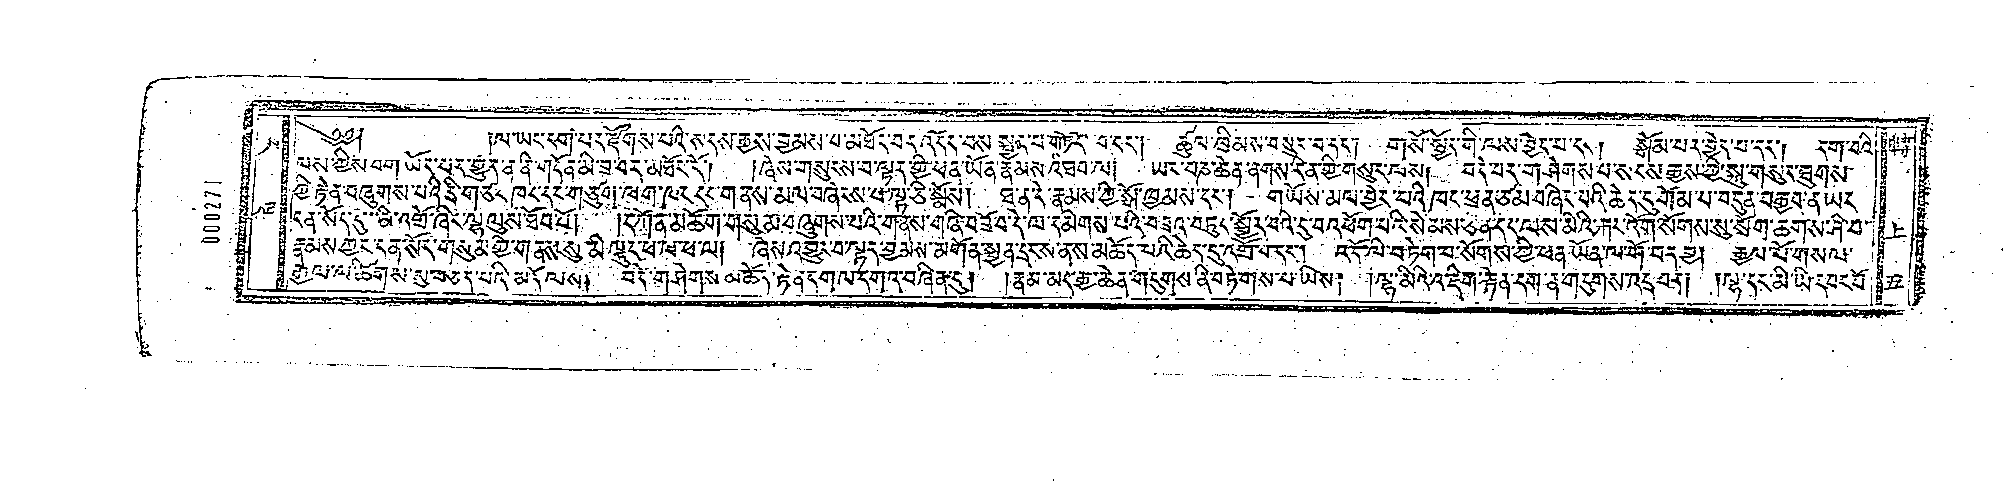༄༅། །ལ་ཡང་དག་པར་རྫོགས་པའི་སངས་རྒྱས་བྱམས་པ་མཐོང་བར་འདོད་བས་སྦྱིན་པ་གཏོང་བ་དང་། ཚུལ་ཁྲིམས་བསྲུང་བ་དང་། གསོ་སྦྱོང་གི་ལས་བྱེད་པ་དང་། སྒོམ་པར་བྱེད་པ་དང་། དགེ་བའི་
ལས་ཀྱིས་བག་ཡོད་པར་གྱུར་ན་ནི་གདོན་མི་ཟ་བར་མཐོང་ངོ། །ཞེས་གསུངས་བ་ལྟར་གྱི་ཕན་ཡོན་རྣམས་འཐབ་ལ། ཡང་པཎ་ཆེན་ནགས་རིན་གྱི་གསུང་ལས། བདེ་བར་གཤེགས་པ་སངས་རྒྱས་ཀྱི་སྐུ་གསུང་ཐུགས་
ཀྱི་རྟེན་བཞུགས་པའི་དྲི་གཙང་ཁང་དང་གཙུག་ལག་ཁང་དང་གནས་མལ་བཞེངས་པ་ལྟ་ཅི་སྨོས། ཐ་ན་དེ་རྣམས་ཀྱི་སྒོ་ཁྱམས་དང་། གཡོས་མལ་བྱེད་པའི་ཁང་ཕྲན་ཙམ་བཞིང་པའི་ཆེད་དུ་གོམ་པ་བདུན་བརྒྱབ་ན་ཡང་
ངན་སོང་དུ་མི་འགྲོ་ཞིང་ལྷ་ལུས་ཐོབ་བོ། །དཀོན་མཆོག་གསུམ་བཞུགས་པའི་གནས་གཞི་བཟོ་བ་དེ་ལ་དམིགས་པའི་བཟའ་བཏུང་སྦྱོར་བའི་དུ་བ་འཕོག་པའི་སེམས་ཅན་དང་ལས་མིའི་རྐང་འོག་སོགས་སུ་སྲོག་ཆགས་ཤི་བ་
རྣམས་ཀྱང་ངན་སོང་གསུམ་གྱི་གནས་སུ་མི་ལྟུང་ཕ་ལ་ཕ་ལ། ཞེས་འབྱུང་བ་ལྟར་བྱམས་མགོན་སྦྱན་དྲངས་ནས་མཆོད་པའི་ཆེད་དུ་འགྲོ་པ་དང་། འདོ་ལི་བཏེག་པ་སོགས་ཀྱི་ཕན་ཡོན་ལ་གོ་བར་བྱ། རྒྱལ་པོ་གསལ་
རྒྱལ་ལ་ཚིགས་སུ་བཅད་པའི་མདོ་ལས། བདེ་གཤེགས་མཆོད་རྟེན་དག་ལ་དགའ་བཞིན་དུ། །རྣམ་མང་རྒྱ་ཆེན་གདུགས་ནི་བཏེགས་པ་ཡིས། །ལྷ་མིའི་འཇིག་རྟེན་དག་ན་གདུགས་འདྲ་བར། །ལྷ་དང་མི་ཡི་དབང་པོ་